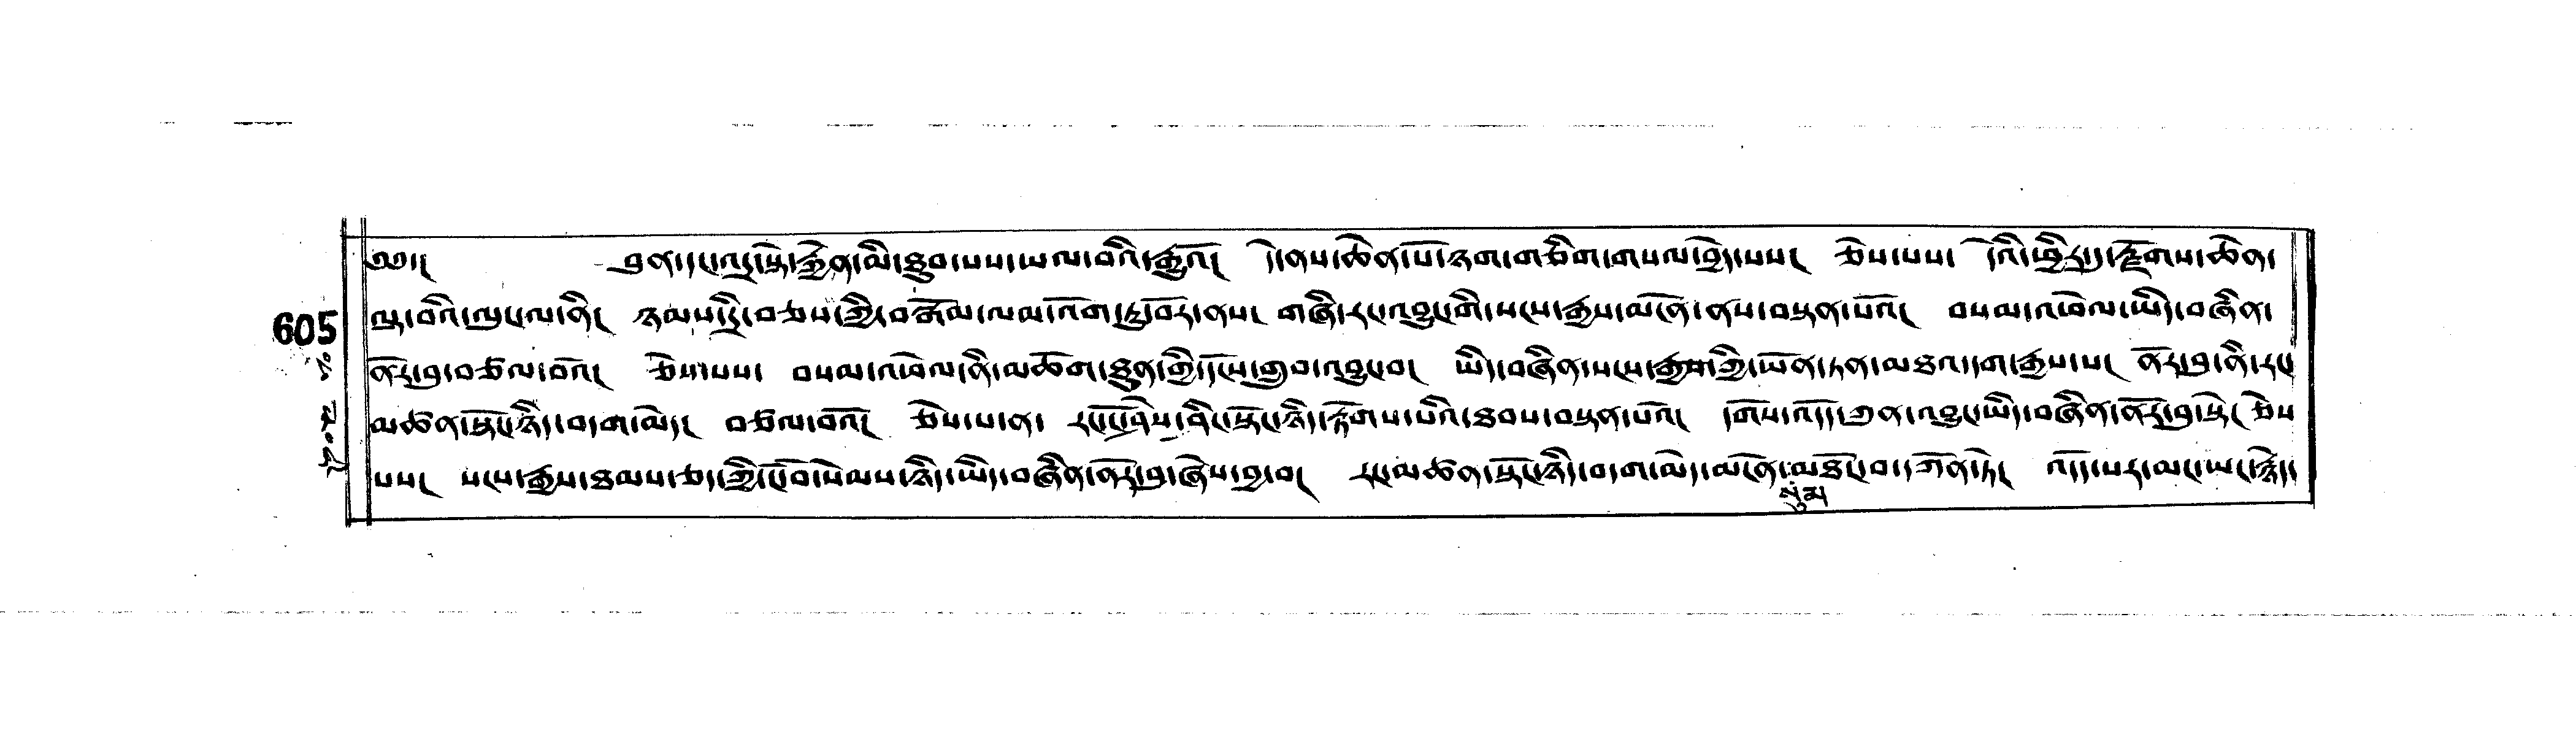བུན་དང་འདྲ་སྟེ་རྐྱེན་མི་ཐུབ་པས་ཡལ་བའི་རྒྱུའོ། དེ་ནས་ཆེན་པོ་ཉག་ཅིག་གསལ་བྱེད་པས། ཅེས་པས། དེའི་ཕྱིར་དུ་རྫོགས་ཆེན་
ལྟ་བའི་ལུང་ལ་ནི། ཉམས་དྲི་བཅས་ཀྱི་སྒོམ་ལམ་འོག་ཏུ་བོར་ནས། གཞི་རང་འབྱུང་གི་སངས་རྒྱས་མངོན་ནས་བསྟན་པའོ། བསམ་འཕེལ་ཡིད་བཞིན་
ནོར་བུ་བཙལ་བའོ། ཅེས་པས། བསམ་འཕེལ་ནི་མཆོག་ཐུན་གྱི་དངོས་གྲུབ་འབྱུང་བ། ཡིད་བཞིན་སངས་རྒྱས་ཀྱི་ཡོན་ཏན་མཐའ་དག་རྒྱས་པ། ནོར་བུ་ནི་རང་
མཚན་སྟོང་ཞིང་བདག་མེད། བཙལ་བའོ། ཅེས་པས། རང་ངོ་ཤེས་ཤིང་སྟོང་ཉིད་རྟོགས་པའི་ཐབས་བསྟན་པའོ། དགོས་འདོད་ཀུན་འབྱུང་ཡིད་བཞིན་ནོར་བུ་སྟེ། ཅེས་
པས། སངས་རྒྱས་ཐམས་ཅད་ཀྱི་ངོ་བོ་སེམས་ཉིད་ཡིད་བཞིན་ནོར་བུ་ཞེས་བྱ་བ། རང་མཚན་སྟོང་ཉིད་བདག་མེད་མངོན་སུམ་མཐོང་བ་དཀོན་ཏེ། འདོད་པར་མང་ཡང་རྙེད་